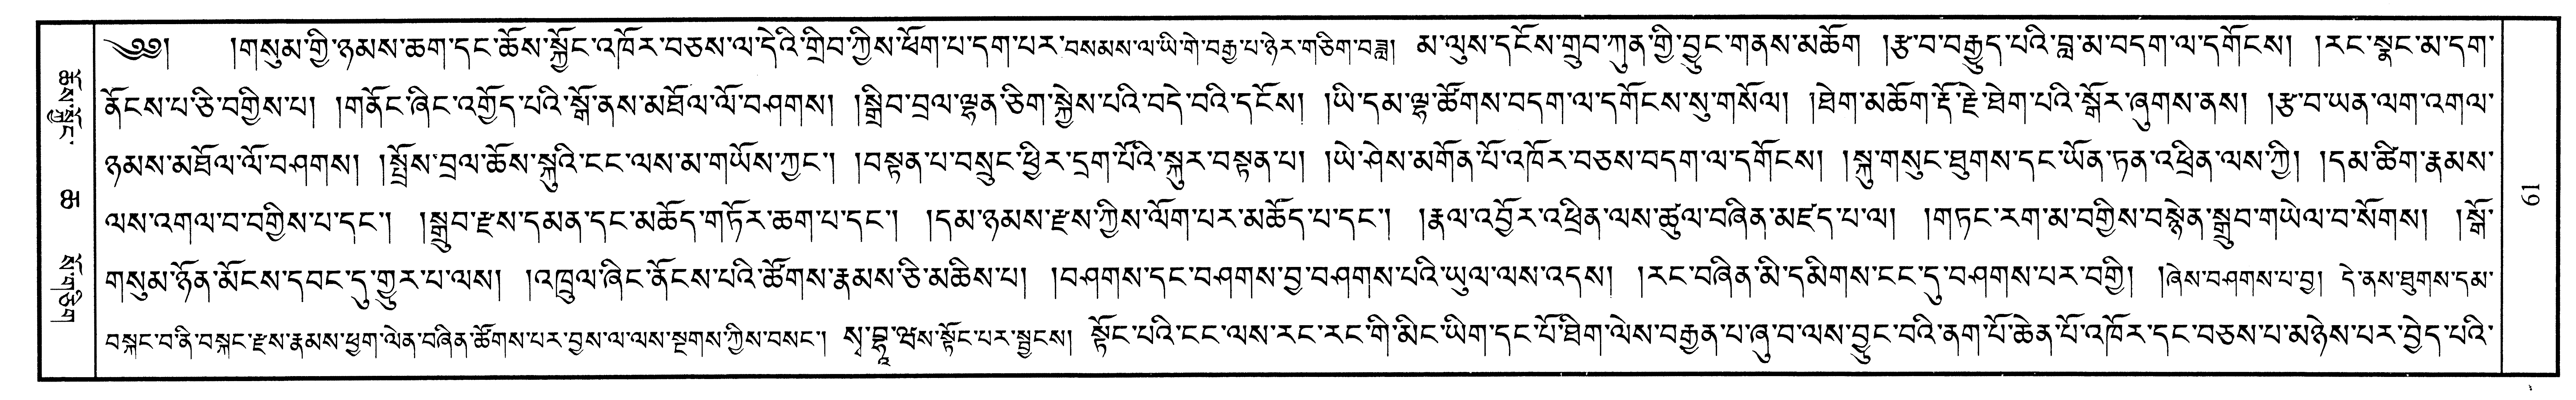༄༅། །གསུམ་གྱི་ཉམས་ཆག་དང་ཆོས་སྐྱོང་འཁོར་བཅས་ལ་དེའི་གྲིབ་ཀྱིས་ཕོག་པ་དག་པར་བསམས་ལ་ཡི་གེ་བརྒྱ་པ་ཉེར་གཅིག་བཟླ། མ་ལུས་དངོས་གྲུབ་ཀུན་གྱི་བྱུང་གནས་མཆོག །རྩ་བ་བརྒྱུད་པའི་བླ་མ་བདག་ལ་དགོངས། །རང་སྣང་མ་དག་
ནོངས་པ་ཅི་བགྱིས་པ། །གནོང་ཞིང་འགྱོད་པའི་སྒོ་ནས་མཐོལ་ལོ་བཤགས། །སྒྲིབ་བྲལ་ལྷན་ཅིག་སྐྱེས་པའི་བདེ་བའི་དངོས། །ཡི་དམ་ལྷ་ཚོགས་བདག་ལ་དགོངས་སུ་གསོལ། །ཐེག་མཆོག་རྡོ་རྗེ་ཐེག་པའི་སྒོར་ཞུགས་ནས། །རྩ་བ་ཡན་ལག་འགལ་
ཉམས་མཐོལ་ལོ་བཤགས། །སྤྲོས་བྲལ་ཆོས་སྐུའི་ངང་ལས་མ་གཡོས་ཀྱང་། །བསྟན་པ་བསྲུང་ཕྱིར་དྲག་པོའི་སྐུར་བསྟན་པ། །ཡེ་ཤེས་མགོན་པོ་འཁོར་བཅས་བདག་ལ་དགོངས། །སྐུ་གསུང་ཐུགས་དང་ཡོན་ཏན་འཕྲིན་ལས་ཀྱི། །དམ་ཚིག་རྣམས་
ལས་འགལ་བ་བགྱིས་པ་དང་། །སྒྲུབ་རྫས་དམན་དང་མཆོད་གཏོར་ཆག་པ་དང་། །དམ་ཉམས་རྫས་ཀྱིས་ལོག་པར་མཆོད་པ་དང་། །རྣལ་འབྱོར་འཕྲིན་ལས་ཚུལ་བཞིན་མཛད་པ་ལ། །གཏང་རག་མ་བགྱིས་བསྙེན་སྒྲུབ་གཡེལ་བ་སོགས། །སྒོ་
གསུམ་ཉོན་མོངས་དབང་དུ་གྱུར་པ་ལས། །འཁྲུལ་ཞིང་ནོངས་པའི་ཚོགས་རྣམས་ཅི་མཆིས་པ། །བཤགས་དང་བཤགས་བྱ་བཤགས་པའི་ཡུལ་ལས་འདས། །རང་བཞིན་མི་དམིགས་ངང་དུ་བཤགས་པར་བགྱི། །ཞེས་བཤགས་པ་བྱ། དེ་ནས་ཐུགས་དམ་
བསྐང་བ་ནི་བསྐང་རྫས་རྣམས་ཕྱག་ལེན་བཞིན་ཚོགས་པར་བྱས་ལ་ལས་སྔགས་ཀྱིས་བསང་། སྭ་བྷཱ་ཝས་སྟོང་པར་སྦྱངས། སྟོང་པའི་ངང་ལས་རང་རང་གི་མིང་ཡིག་དང་པོ་ཐིག་ལེས་བརྒྱན་པ་ཞུ་བ་ལས་བྱུང་བའི་ནག་པོ་ཆེན་པོ་འཁོར་དང་བཅས་པ་མཉེས་པར་བྱེད་པའི་